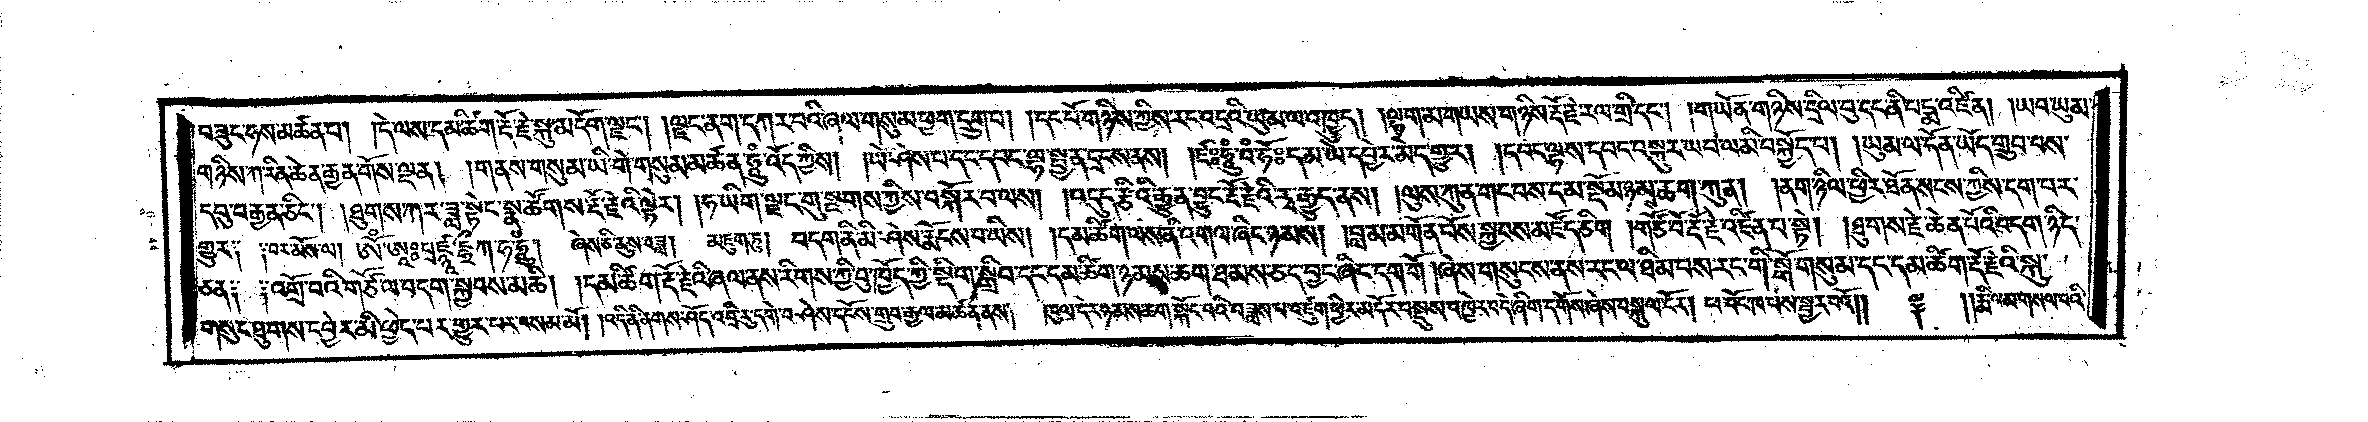བཟུང་ཧས་མཚན་པ། །དེ་ལས་དམ་ཚིག་རྡོ་རྗེ་སྐུ་མདོག་ལྗང་། །ལྗང་ནག་དཀར་བའི་ཞལ་གསུམ་ཕྱག་དྲུག་པ། །དང་པོ་གཉིས་ཀྱིས་རང་འདྲའི་ཡུམ་ལ་འཁྱུད། །ལྷག་མ་གཡས་གཉིས་རྡོ་རྗེ་རལ་གྲི་དང་། །གཡོན་གཉིས་དྲིལ་བུ་དང་ནི་པདམ་འཛིན། །ཡབ་ཡུམ་
གཉིས་ཀ་རིན་ཆེན་རྒྱན་གོས་ལྡན། །གནས་གསུམ་ཡི་གེ་གསུམ་མཚན་ཧཱུཾ་འོད་ཀྱིས། །ཡེ་ཤེས་པ་དང་དབང་ལྷ་སྤྱན་དྲངས་ནས། །ཛཿཧཱུཾ་བཾ་ཧོཿ དམ་ཡེ་དབྱེར་མེད་གྱུར། །དབང་ལྷས་དབང་བསྐུར་ཡབ་ལ་མི་བསྐྱོད་པ། །ཡུམ་ལ་དོན་ཡོད་གྲུབ་པས་
དབུ་བརྒྱན་ཅིང་། །ཐུགས་ཀར་ཟླ་སྟེང་སྣ་ཚོགས་རྡོ་རྗེའི་ལྟེར། །ཧ་ཡིག་ལྗང་གུ་སྔགས་ཀྱིས་བསྐོར་བ་ལས། །བདུད་རྩིའི་རྒྱུན་བྱུང་རྡོ་རྗེའི་རྭ་རྒྱུད་ནས། །ལུས་ཀུན་གང་བས་དམ་སྡོམ་ཉམས་ཆག་ཀུན། །ནག་ཉིལ་ཕྱིར་ཐོན་སངས་ཀྱིས་དག་པར་
གྱུར༑ ༑བར་མོས་ལ།  ཨོཾ་ཨཱཿཔྲཛྙཱ་དྷྲྀ་ཀ་ཧ་ཧཱུཾ། ཞེས་ཅི་ནུས་བཟླ། མཇུག་ཏུ།  བདག་ནི་མི་ཤེས་རྨོངས་པ་ཡིས། །དམ་ཚིག་ལས་ནི་འགལ་ཞིང་ཉམས། །བླ་མ་མགོན་པོས་སྐྱབས་མཛོད་ཅིག །གཙོ་བོ་རྡོ་རྗེ་འཛིན་པ་སྟེ། །ཐུགས་རྗེ་ཆེན་པོའི་བདག་ཉིད་
ཅན༑ ༑འགྲོ་བའི་གཙོ་ལ་བདག་སྐྱབས་མཆི། །དམ་ཚིག་རྡོ་རྗེའི་ཞལ་ནས་རིགས་ཀྱི་བུ་ཁྱོད་ཀྱི་སྡིག་སྒྲིབ་དང་དམ་ཚིག་ཉམས་ཆག་ཐམས་ཅད་བྱང་ཞིང་དག་གོ །ཞེས་གསུངས་ནས་རང་ལ་ཐིམ་པས་རང་གི་སྒོ་གསུམ་དང་དམ་ཚིག་རྡོ་རྗེའི་སྐུ་
གསུང་ཐུགས་དབྱེར་མི་ཕྱེད་པར་གྱུར་པར་བསམ་མོ། །འདི་ནི་ནགས་ཤོད་འབྲི་རུ་དགེ་བཤེས་དངོས་གྲུབ་རྒྱལ་མཚན་ནས། ཁུལ་དེར་ཉམས་ཆག་སྐོང་བའི་བཟླས་པ་འཛུག་ཕྱིར་མདོར་བསྡུས་འཁྱེར་བ་དེ་ཞིག་དགོས་ཞེས་བསྐུལ་ངོར། ཕ་བོང་ཁ་པས་སྦྱར་བའོ།། ༈ །།རྨི་ལམ་གསལ་བའི་